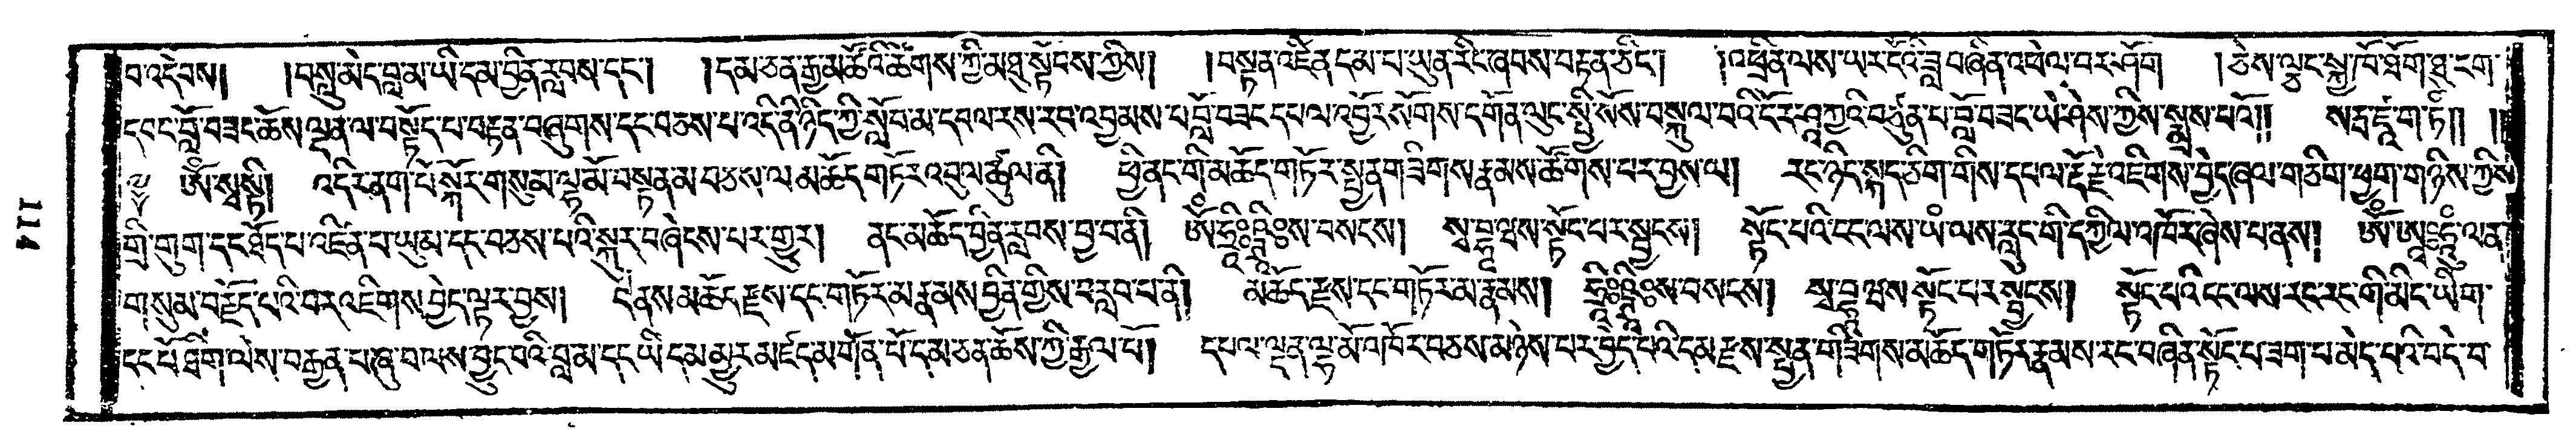བ་འདེབས། །བསླུ་མེད་བླ་མ་ཡི་དམ་བྱིན་རླབས་དང་། །དམ་ཅན་རྒྱ་མཚོའི་ཚོགས་ཀྱི་མཐུ་སྟོབས་ཀྱིས། །བསྟན་འཛིན་དམ་པ་ཡུན་རིང་ཞབས་བརྟན་ཅིང་། །འཕྲིན་ལས་ཡར་ངོའི་ཟླ་བཞིན་འཕེལ་བར་ཤོག །ཅེས་ལྕང་སྐྱ་ཁོ་ཐོག་ཐུ་ངག་
དབང་བློ་བཟང་ཆོས་ལྡན་ལ་བསྟོད་པ་བརྟན་བཞུགས་དང་བཅས་པ་འདི་ནི་ཉིད་ཀྱི་སློབ་མ་དབལ་རས་རབ་འབྱམས་པ་བློ་བཟང་དཔལ་འབྱོར་སོགས་དགོན་ལུང་སྤྱི་སོས་བསྐུལ་བའི་ངོར་ཤཱཀྱའི་བཙུན་པ་བློ་བཟང་ཡེ་ཤེས་ཀྱིས་སྨྲས་པའོ།། སརྦ་ཛཱ་ག་ཏཾ།། །།
༈ ཨོཾ་སྭསྟི། འདིར་ནག་པོ་སྐོར་གསུམ་ལྷ་མོ་བསྟན་མ་བཅས་ལ་མཆོད་གཏོར་འབུལ་ཚུལ་ནི། ཕྱི་ནང་གི་མཆོད་གཏོར་སྤྱན་གཟིགས་རྣམས་ཚོགས་པར་བྱས་ལ། རང་ཉིད་སྐད་ཅིག་གིས་དཔལ་རྡོ་རྗེ་འཇིགས་བྱེད་ཞལ་གཅིག་ཕྱག་གཉིས་ཀྱིས་
གྲི་གུག་དང་ཐོད་པ་འཛིན་པ་ཡུམ་དང་བཅས་པའི་སྐུར་བཞེངས་པར་གྱུར། ནང་མཆོད་བྱིན་རླབས་བྱ་བ་ནི། ཨོཾ་ཧྲཱིཿ ཥྚྲཱིཿ ས་བསངས། སྭ་བྷཱ་ཝས་སྟོང་པར་སྦྱངས། སྟོང་པའི་ངང་ལས་ཡཾ་ལས་རླུང་གི་དཀྱིལ་འཁོར་ཞེས་པ་ནས། ཨོཾ་ཨཱཿཧཱུཾ་ལན་
གསུམ་བརྗོད་པའི་བར་འཇིགས་བྱེད་ལྟར་བྱས། དེ་ནས་མཆོད་རྫས་དང་གཏོར་མ་རྣམས་བྱིན་གྱིས་བརླབ་པ་ནི། མཆོད་རྫས་དང་གཏོར་མ་རྣམས། ཧྲཱིཿ ཥྚཱིཿ ས་བསངས། སྭ་བྷཱ་ཝས་སྟོང་པར་སྦྱངས། སྟོང་པའི་ངང་ལས་རང་རང་གི་མིང་ཡིག་
དང་པོ་ཐིག་ལས་བརྒྱན་པ་ཞུ་བ་ལས་བྱུང་བའི་བླ་མ་དང་ཡི་དམ་མྱུར་མཛད་མགོན་པོ་དམ་ཅན་ཆོས་ཀྱི་རྒྱལ་པོ། དཔལ་ལྡན་ལྷ་མོ་འཁོར་བཅས་མཉེས་པར་བྱེད་པའི་དམ་རྫས་སྤྱན་གཟིགས་མཆོད་གཏོར་རྣམས་རང་བཞིན་སྟོང་པ་ཟག་པ་མེད་པའི་བདེ་བ་